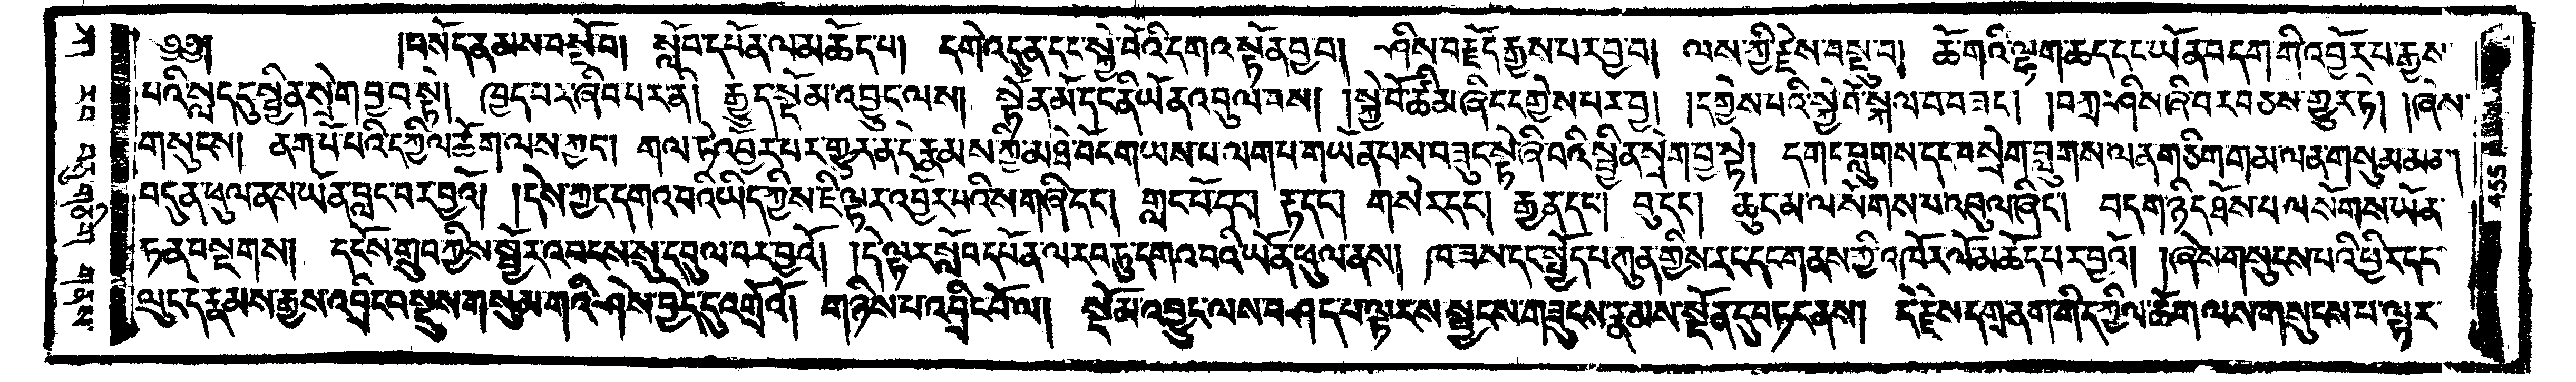༄༅། །བསོད་ནམས་བསྔོ་བ། སློབ་དཔོན་ལ་མཆོད་པ། དགེ་འདུན་དང་སྐྱེ་བོའི་དགའ་སྟོན་བྱ་བ། ཤིས་བརྗོད་རྒྱས་པར་བྱ་བ། ལས་ཀྱི་རྗེས་བསྡུ་བ། ཆོ་གའི་ལྷག་ཆད་དང་ཡོན་བདག་གི་འབྱོར་པ་རྒྱས་
པའི་སླད་དུ་སྦྱིན་སྲེག་བྱ་བ་སྟེ། ཁྱད་པར་ཞིབ་པར་ནི། རྒྱུད་སྡོམ་འབྱུང་ལས། སྟོན་མོ་དང་ནི་ཡོན་འབུལ་བས། །སྐྱེ་བོ་ཚིམ་ཞིང་དགྱེས་པར་བྱ། །དགྱེས་པའི་སྐྱེ་བོ་སྐལ་བ་བཟང་། །བཀྲ་ཤིས་ཞིབ་རབ་ཅས་གྱུར་ཏེ། །ཞེས་
གསུངས། ནག་པོ་པའི་དཀྱིལ་ཆོག་ལས་ཀྱང་། གལ་ཏེ་འབྱོར་པར་གྱུར་ན་དེ་རྣམས་ཀྱིས་མཐེ་བོང་གཡས་པ་ལག་པ་གཡོན་པས་བཟུང་སྟེ་ཞི་བའི་སྦྱིན་སྲེག་བྱ་སྟེ། དགང་བླུགས་དང་བསྲེག་བླུགས་ལན་གཅིག་གམ་ལན་གསུམ་མན།
བདུན་ཕུལ་ནས་ཡོན་བླང་བར་བྱའོ། །དེས་ཀྱང་དགའ་བའི་ཡིད་ཀྱིས་ཇི་ལྟར་འབྱོར་པའི་ས་གཞི་དང་། གླང་པོ་དང་། རྟ་དང་། གསེར་དང་། རྒྱན་དང་། བུ་དང་། ཆུང་མ་ལ་སོགས་པ་འབུལ་ཞིང་། བདག་ཉིད་ཐོས་པལ་སོགས་ཡོན་
ཏན་བསྔགས། དངོས་གྲུབ་ཀྱིས་སྦྱོར་འབངས་སུ་དབུལ་བར་བྱའོ། །དེ་ལྟར་སློབ་དཔོན་ལ་རབ་ཏུ་དགའ་བའི་ཡོན་ཕུལ་ནས། ཁ་ཟས་དང་སྤྱོད་པ་ཀུན་གྱིས་རང་དང་གནས་ཀྱི་འཁོར་ལོ་མཆོད་པར་བྱའོ། །ཞེས་གསུངས་པའི་ཕྱིར་དང་
ལུང་དེ་རྣམས་རྒྱས་འབྲིང་བསྡུས་གསུམ་གའི་ཤེས་བྱེད་དུ་འགྲོའོ། གཉིས་པ་འབྲིང་བོ་ལ། སྡོམ་འབྱུང་ལས་བཤད་པ་ལྟ་རས་སྦྱངས་གཟུངས་རྣམས་སྡོན་དུ་བཏང་ནས། དེ་རྗེས་དགྲ་ནག་གི་དཀྱིལ་ཆོག་ལས་གསུངས་པ་ལྟར་